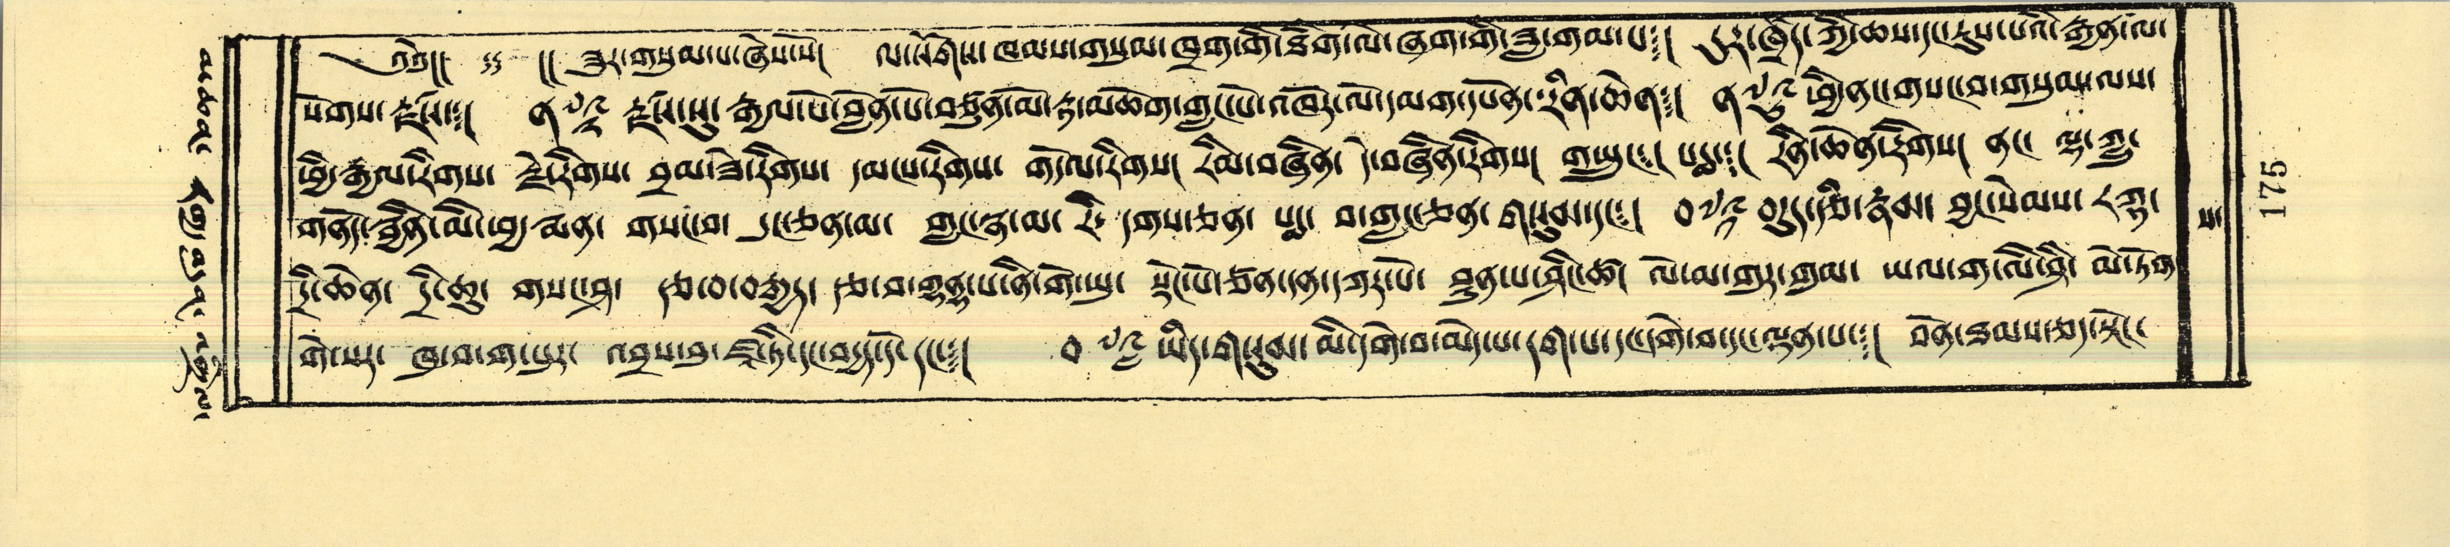ཟུར་གསུམ་པ་ཞེས་སོ།༼ལ་སོགས༽ཁམས་གསུམ་ཁྲག་གི་ཐིག་ལེ་ཞག་གི་ཟླ་གམ་པ།༼དུར་ཁྲོད་༽ཀྱི་ཆས་དང་རུས་པའི་རྒྱན་ལ་
སོགས་༼རྫས༽ན༧༩།༢༼རྫས་སུ༽རྒྱལ་པོ་བློན་པོ་བཙུན་མོ་རྟ་མཆོག་གླང་པོ་འཁོར་ལོ་དམག་དཔོན་༼རིན་ཆེན༽ན༧༩།༦ ཕྱི་ནང་གསང་བ་གསུམ་ལས་
ཕྱི་རྒྱལ་རིགས་རྗེ་རིགས་བྲམ་ཟེ་རིགས་དམངས་རིགས་གདོལ་རིགས་རིམ་བཞིན་དེ་བཞིན་རིགས་གཡུང་དྲུང་པདྨ་རིན་ཆེན་རིགས་ནང་ལྷ་ཀླུ་
གནོད་སྦྱིན་མི་ཕྱ་སྨན་གསང་བ་དུང་ཅན་མ་གླང་སྣ་མ་རི་དྭགས་ཅན་པདྨ་བ་ལང་ཅན་ ༼གསུམ༽དང་བ༧༩།༡ བདུད་རྩི་རྣམས་བྱང་སེམས་རཀྟ་
དྲི་ཆེན་དྲི་ཆུ་གསང་ཤ་རྩ་བ་བརྒྱད་རྩ་བ་གྷནྷ་པ་ནི་གོ་ཡུ་སྡོང་པོ་ཙན་དན་དཀར་པོ་ཤུན་པ་ཤིང་ཚ་ལོ་མ་གུར་གུམ་ཡལ་ག་ལི་ཤི་མེ་ཏོག་
གེ་སར་ཁུ་བ་ག་པུར་འབྲས་བུ་ཛ་ཏི་དང་བརྒྱད་དོ། བ༧༩།༤༼ཡིད་གསུམ༽མི་དགེ་བ་མེད་པ་༼དག་པ༽དང་དགེ་བ་དང་ལྡན་པ་བོན་ཐམས་ཅད་སྟོང་